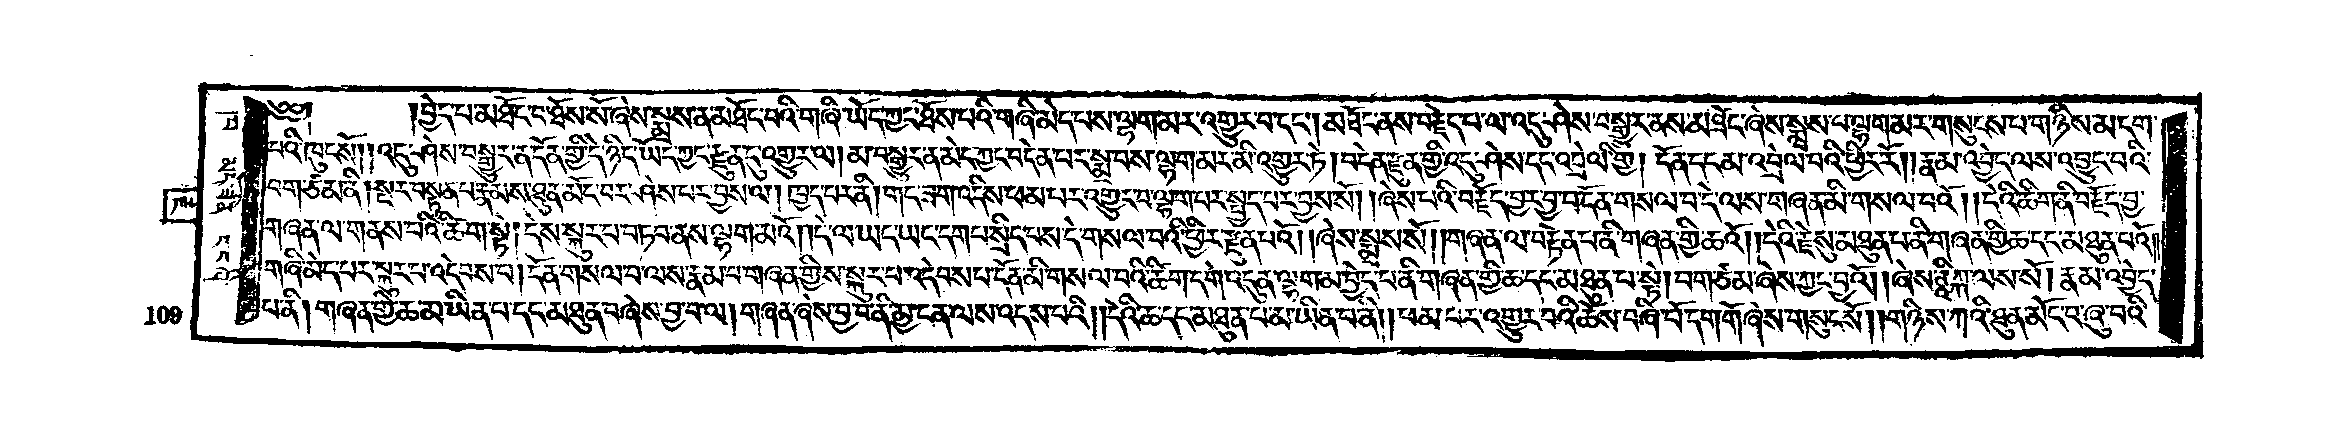༄༅། །བྱེད་པ་མཐོང་བ་ཐོས་སོ་ཞེས་སྨྲས་ན་མཐོང་བའི་གཞི་ཡོད་ཀྱང་ཐོས་པའི་གཞི་མེད་པས་ལྷག་མར་འགྱུར་བ་དང་། མཐོང་ནས་བརྗེད་པ་ལ་འདུ་ཤེས་བསྒྱུར་ནས་མཐོང་ཞེས་སྨྲས་པ་ལྷག་མར་གསུངས་པ་གཉིས་མ་དག་
པའི་ཁུངས་སོ། །འདུ་ཤེས་བསྒྱུར་ན་དོན་གྱི་དེ་ཉིད་ཡོད་ཀྱང་རྫུན་དུ་འགྱུར་ལ། མ་བསྒྱུར་ན་མེད་ཀྱང་བདེན་པར་སྨྲ་བས་ལྷག་མར་མི་འགྱུར་ཏེ། བདེན་རྫུན་གྱི་འདུ་ཤེས་དང་འབྲལ་གྱི། དོན་དང་མ་འབྲེལ་བའི་ཕྱིར་རོ། །རྣམ་འབྱེད་ལས་འབྱུང་བའི་
པག་ཙམ་ནི། སྔར་བསྟན་པ་རྣམས་ཐུན་མོང་བར་ཤེས་པར་བྱས་ལ། ཁྱད་པར་ནི། གང་ཟག་འདིས་ཕམ་པར་འགྱུར་བ་ལྷག་པར་སྤྱད་པར་བྱས་སོ། །ཞེས་པའི་བརྗོད་བྱར་བྱ་བ་དོན་གསལ་བ་དེ་ལས་གཞན་མི་གསལ་བའོ། །དེའི་ཚིག་ནི་བརྗོད་བྱ་
གཞན་ལ་གནས་པའི་ཚིག་སྟེ། དེས་སྐུར་པ་བཏབ་ནས་ལྷག་མའོ། །དེ་ལ་ཡང་ཡང་དག་པ་སྲིད་པས་དེ་གསལ་བའི་ཕྱིར་རྫུན་པའོ། །ཞེས་སྨྲས་སོ། །གཞན་ལ་བརྟེན་པ་ནི་གཞན་གྱི་ཆའོ། །དེའི་རྗེས་སུ་མཐུན་པ་ནི་གཞན་གྱི་ཆ་དང་མཐུན་པའོ། །
གཞི་མེད་པར་སྐུར་པ་འདེབས་པ། དོན་གསལ་བ་ལས་རྣམ་པ་གཞན་གྱིས་སྐུར་པ་འདེབས་པ་དོན་མི་གསལ་བའི་ཚིག་དགེ་འདུན་ལྷག་མ་བྱེད་པ་ནི་གཞན་གྱི་ཆ་དང་མཐུན་པ་སྟེ། པག་ཙམ་ཞེས་ཀྱང་བྱའོ། །ཞེས་ཊཱིཀྐ་ལས་སོ། །རྣམ་འབྱེད་
པ་ནི། གཞན་གྱི་ཆ་མ་ཡིན་པ་དང་མཐུན་བཞེས་བྱ་བ་ལ། གཞན་ཞེས་བྱ་བ་ནི་མྱ་ངན་ལས་འདས་པའི། །དེའི་ཆ་དང་མཐུན་པ་མ་ཡིན་པ་ནི། །ཕམ་པར་འགྱུར་བའི་ཆོས་བཞི་པོ་དག་གི་ཞེས་གསུངས་སོ། །གཉིས་ཀའི་ཐུན་མོང་བ་ཞུ་བའི་